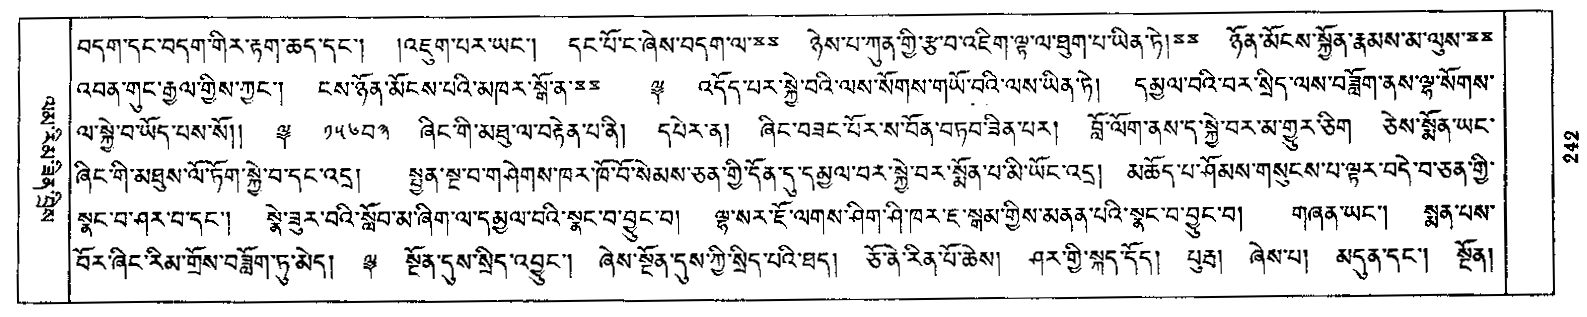བདག་དང་བདག་གིར་རྟག་ཆད་དང་། །འཇུག་པར་ཡང་། དང་པོ་ང་ཞེས་བདག་ལ་྾྾་ཉེས་པ་ཀུན་གྱི་རྩ་བ་འཇིག་ལྟ་ལ་ཐུག་པ་ཡིན་ཏེ། ྾྾་ཉོན་མོངས་སྐྱོན་རྣམས་མ་ལུས་྾྾་
འབན་གུང་རྒྱལ་གྱིས་ཀྱང་། ངས་ཉོན་མོངས་པའི་མཁར་སྒོ་ན་྾྾་༈ འདོད་པར་སྐྱེ་བའི་ལས་སོགས་གཡོ་བའི་ལས་ཡིན་ཏེ། དམྱལ་བའི་བར་སྲིད་ལས་བཟློག་ནས་ལྷ་སོགས་
ལ་སྐྱེ་བ་ཡོད་པས་སོ།། ༈ ༡༥༦་བ ༣་ཞིང་གི་མཐུ་ལ་བརྟེན་པ་ནི། དཔེར་ན། ཞིང་བཟང་པོར་ས་བོན་བཏབ་ཟིན་པར། བློ་ལོག་ནས་ད་སྐྱེ་བར་མ་གྱུར་ཅིག་ཅེས་སྨོན་ཡང་
ཞིང་གི་མཐུས་ལོ་ཏོག་སྐྱེ་བ་དང་འདྲ། སྤྱན་སྔ་བ་གཤེགས་ཁར་ཁོ་བོ་སེམས་ཅན་གྱི་དོན་དུ་དམྱལ་བར་སྐྱེ་བར་སྨོན་པ་མི་ཡོང་འདྲ། མཆོད་པ་ཤོམས་གསུངས་པ་ལྟར་བདེ་བ་ཅན་གྱི་
སྣང་བ་ཤར་བ་དང་། སྣེ་ཟུར་བའི་སློབ་མ་ཞིག་ལ་དམྱལ་བའི་སྣང་བ་བྱུང་བ། ལྷ་སར་ཇོ་ལགས་ཤིག་ཤི་ཁར་ཇ་སྒམ་གྱིས་མནན་པའི་སྣང་བ་བྱུང་བ། གཞན་ཡང་། སྨན་པས་
བོར་ཞིང་རིམ་གྲོས་བཟློག་ཏུ་མེད། ༈ སྔོན་དུས་སྲིད་འབྱུང་། ཞེས་སྔོན་དུས་ཀྱི་སྲིད་པའི་ཐད། ཅོ་ནེ་རིན་པོ་ཆེས། ཤར་གྱི་སྐད་དོད། པུརྦ། ཞེས་པ། མདུན་དང་། སྔོན།